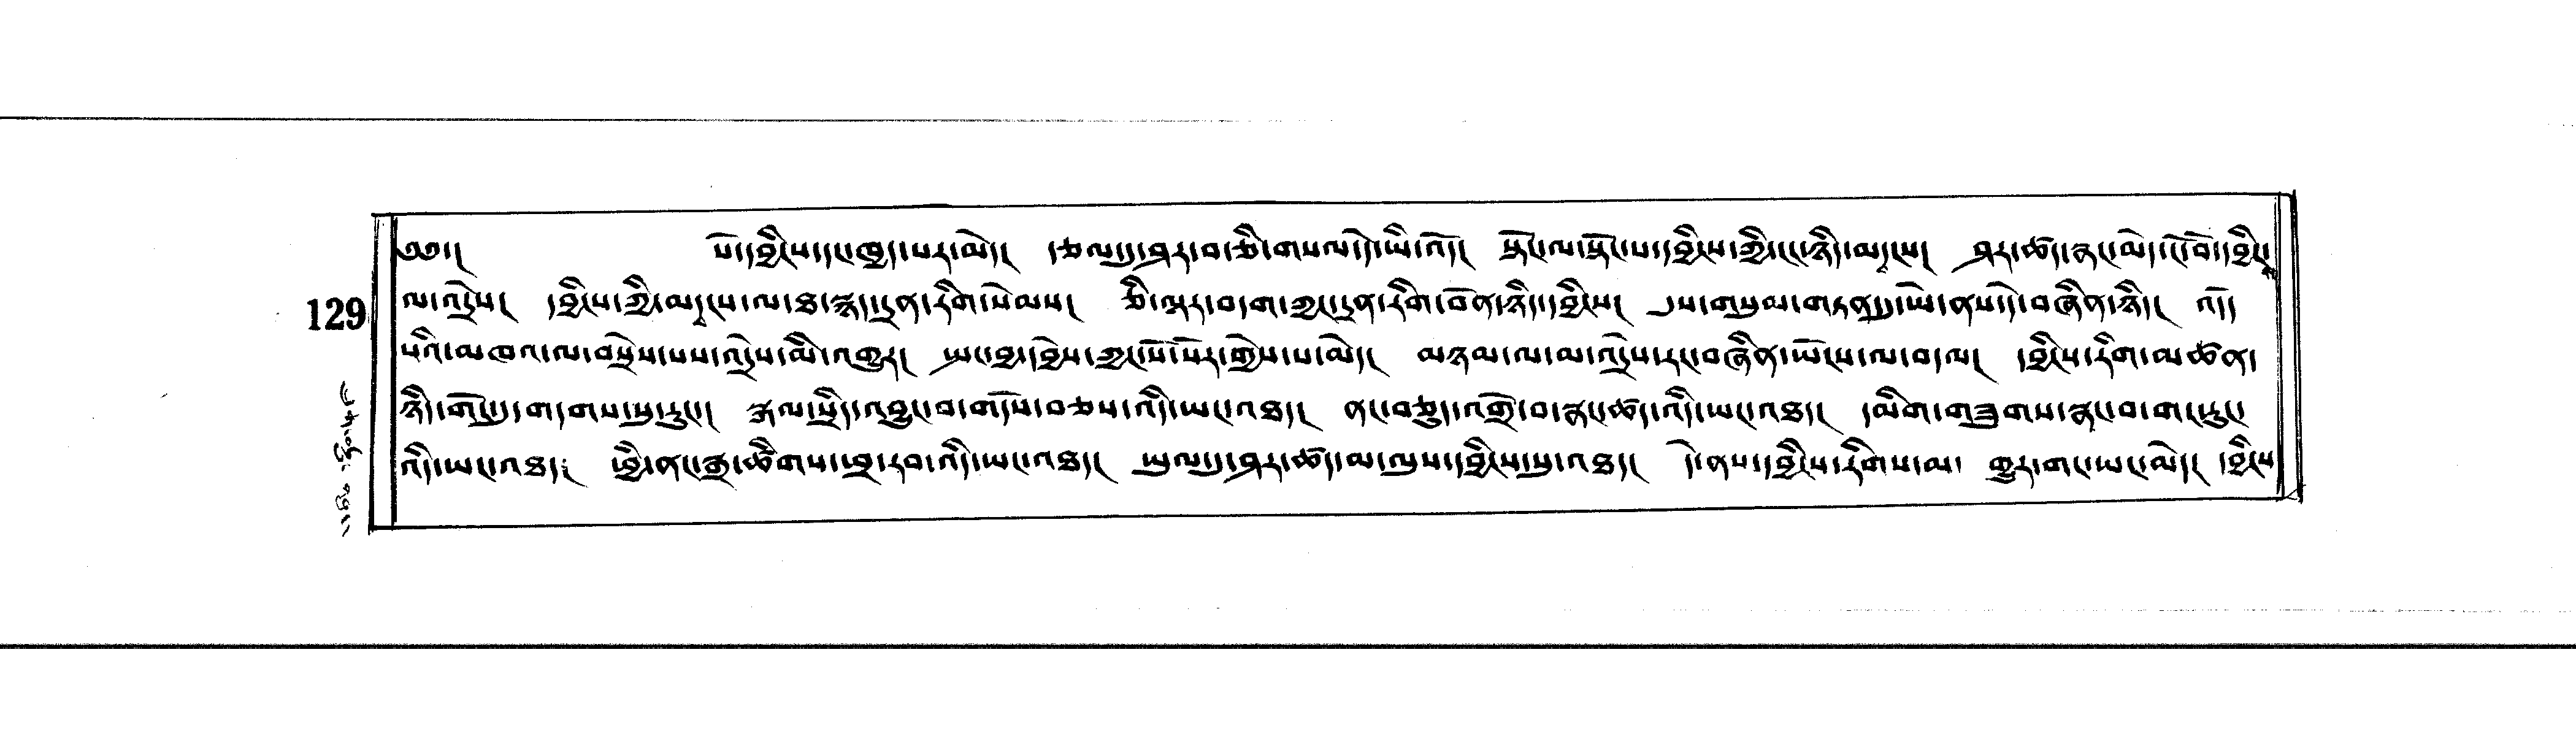པོ་དབྱིངས་དང་ཁྱད་པར་མེད། རྩལ་དུ་ཤར་བ་སྤྱི་གསལ་དེ་ཡི་འོད། སྟོང་ལ་སྟོང་པ་དབྱིངས་ཀྱི་ངང་ཉིད་མདངས། ཤར་ཚད་སྣང་མེད་ངོ་བོ་དབྱིངས་
ལ་འདྲེས། དབྱིངས་ཀྱི་མདངས་ལ་ཐ་སྙད་དྲན་རིག་སེམས། ཅི་ལྟར་བདག་ཀྱང་དྲན་རིག་བོན་ཉིད་དབྱིངས། དུས་གསུམ་གཏན་དུ་ཡེ་ནས་དེ་བཞིན་ཉིད། འདོད་
པའི་མཁའ་ལ་བསྲེས་པས་འདྲེས་མི་འགྱུར། སྤང་བྱ་དབྱེས་ཀྱང་སོ་སོར་གྱེས་པ་མེད། མཉམ་ལ་མ་འདྲེས་རང་བཞིན་ཡོངས་ལ་བདལ། དབྱིངས་རིག་མཚན་
ཉིད་གོང་དུ་གདགས་སུ་རུང་། བསྐལ་སྲིད་འབྱུང་བ་གདོས་བཅས་འདི་ཡང་འཐད། ནང་བཅུད་འགྲོ་བ་སྣང་ཚད་འདི་ཡང་འཐད། དམིགས་གཟུགས་སྣང་བ་གང་རུང་
འདི་ཡང་འཐད། ཕྱི་ནང་སྒྲ་ཚིག་ཕྲ་རབ་འདི་ཡང་འཐད། ཡུལ་དུ་ཤར་ཚད་མ་ལུས་དབྱིངས་སུ་འཐད། དེ་ནས་དབྱིངས་རིག་མ་གྱུར་གང་ཡང་མེད། དབྱིངས་